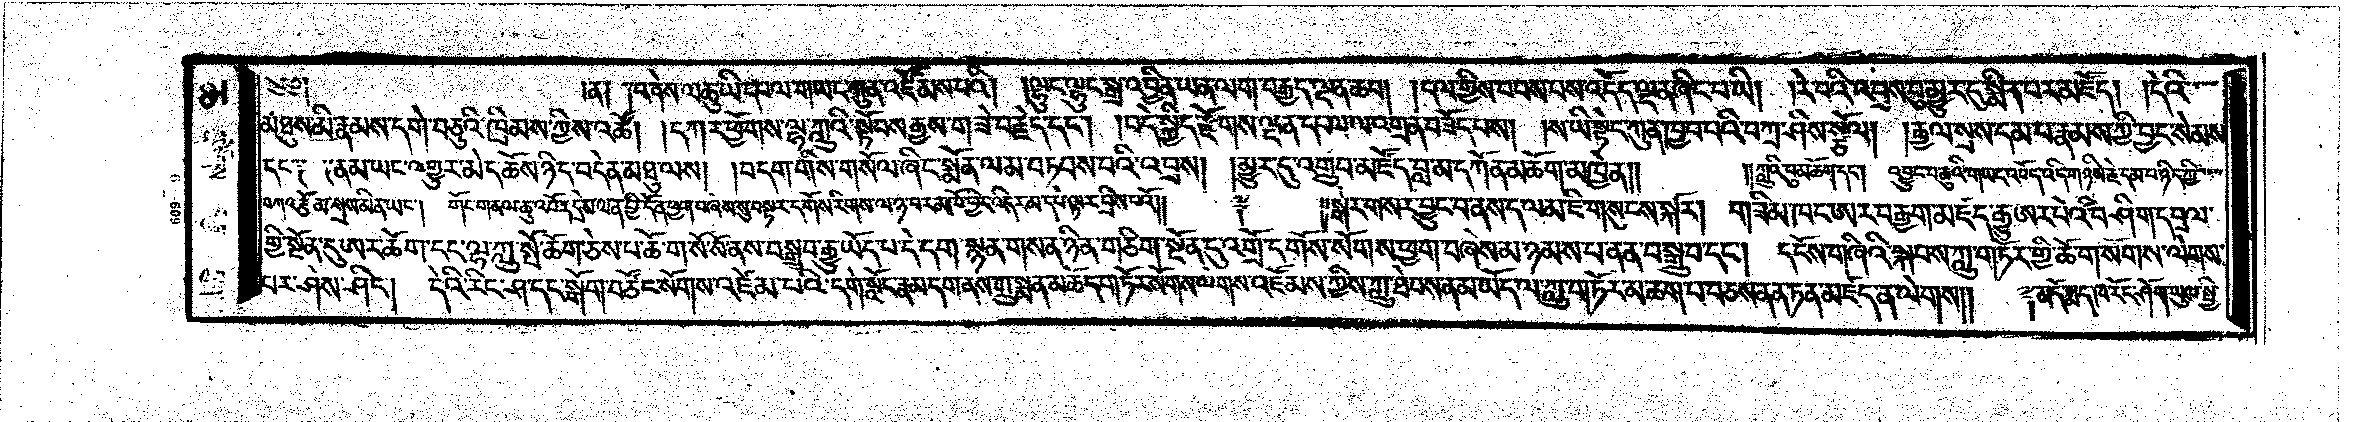༄༅། །ན། ༑བྣེས་ལ་ཆུ་ཡི་དཔལ་གཡང་ཀུན་འཛོམས་པའི། །ལྷུང་ལྷུང་སྒྲ་འབྱིན་ཡན་ལག་བརྒྱད་ལྡན་ཆབ། །དལ་གྱིས་བབས་པས་འདོད་ལྡན་ཞིང་པ་ཡི། །རེ་བའི་འབྲས་བུ་མྱུར་དུ་སྨིན་པར་མཛོད། །དེའི་
མཐུས་མི་རྣམས་དགེ་བཅུའི་ཁྲིམས་ཀྱིས་འཚོ། །དཀར་ཕྱོགས་ལྷ་ཀླུའི་སྟོབས་རྒྱས་གཟེ་བརྗེད་དང་། །བདེ་སྐྱིད་རྫོགས་ལྡན་དཔལ་ལ་འགྲན་བཟོད་པས། །ས་ཡི་སྟེང་ཀུན་ཁྱབ་པའི་བཀྲ་ཤིས་སྩོལ། །རྒྱལ་སྲས་དམ་པ་རྣམས་ཀྱི་བྱང་སེམས་
དང༑ ༑ནམ་ཡང་འགྱུར་མེད་ཆོས་ཉིད་བདེན་མཐུ་ལས། །བདག་གིས་གསོལ་ཞིང་སྨོན་ལམ་བཏབས་པའི་འབྲས། །མྱུར་དུ་འགྲུབ་མཛོད་བླ་མ་དཀོན་མཆོག་མཁྱེན།། །།ཀླུའི་བུམ་ཆོག་དང་། འབྱུང་བ་ཆུའི་གཡང་འབོད་འདི་གཉིས་རྗེ་དམ་པ་ཉིད་ཀྱི་
ཕ༹བཀའ་རྩོམ་སྲས་མིན་ཡང་། གོང་གནལ་ཆུ་འབོར་དྲེས་ལན་གྱི་དོན་ཕྱག་བཞེས་སུ་བསྟར་དགོས་རིགས་ལ་ཉ་བར་མཁོ་བྱིར་འདིར་མ་དཔེ་ལྟར་བྲིས་པའོ།། ༈ །།སྒེར་གསར་བྱུང་བ་ནས་དལ་མ་ཇི་གསུངས་སྐོར། གཟིམ་ཁང་ཨར་བརྒྱག་མཛད་རྒྱུ་ཨར་པེའི་བཤིག་དབྲལ་
གྱི་སྔོན་དུ་ཨར་ཆོག་དང་ལྷ་ཀླུ་སྤོ་ཆོག་ཅེས་པ་ཆོ་ག་སོ་སོ་ནས་བསྒྲུབ་རྒྱུ་ཡོད་པ་དེ་དག་སྙན་གསན་ཉིན་གཅིག་སྔོན་དུ་འགྲོ་དགོས་སོགས་ཕྱག་བཞེས་མ་ཉམས་པ་ནན་བསྒྲུབ་དང་། དངོས་གཞིའི་སྐབས་ཀླུ་གཏོར་གྱི་ཆོ་ག་སོགས་ལེགས་
པར་ཤེས་ཤིང་། དེའི་རིང་ཤ་དང་སྒོག་བཙོང་སོགས་འཛེམ་པའི་དགེ་སློང་རྣམ་དག་ནས་གྲུ་སྨན་མཆོད་གཏོར་སོགས་ལེགས་འཛོམས་ཀྱིས་ཀླུ་ཐེབས་ནམ་ཡོད་ལ་ཀླུ་གཏོར་མ་ཆག་པ་བཅས་ནན་ཏན་མཛད་ན་ལེགས།། ༈ མདོ་སྨད་ཁ་རོང་ཤོག་ཡུལ་སྤྱི་